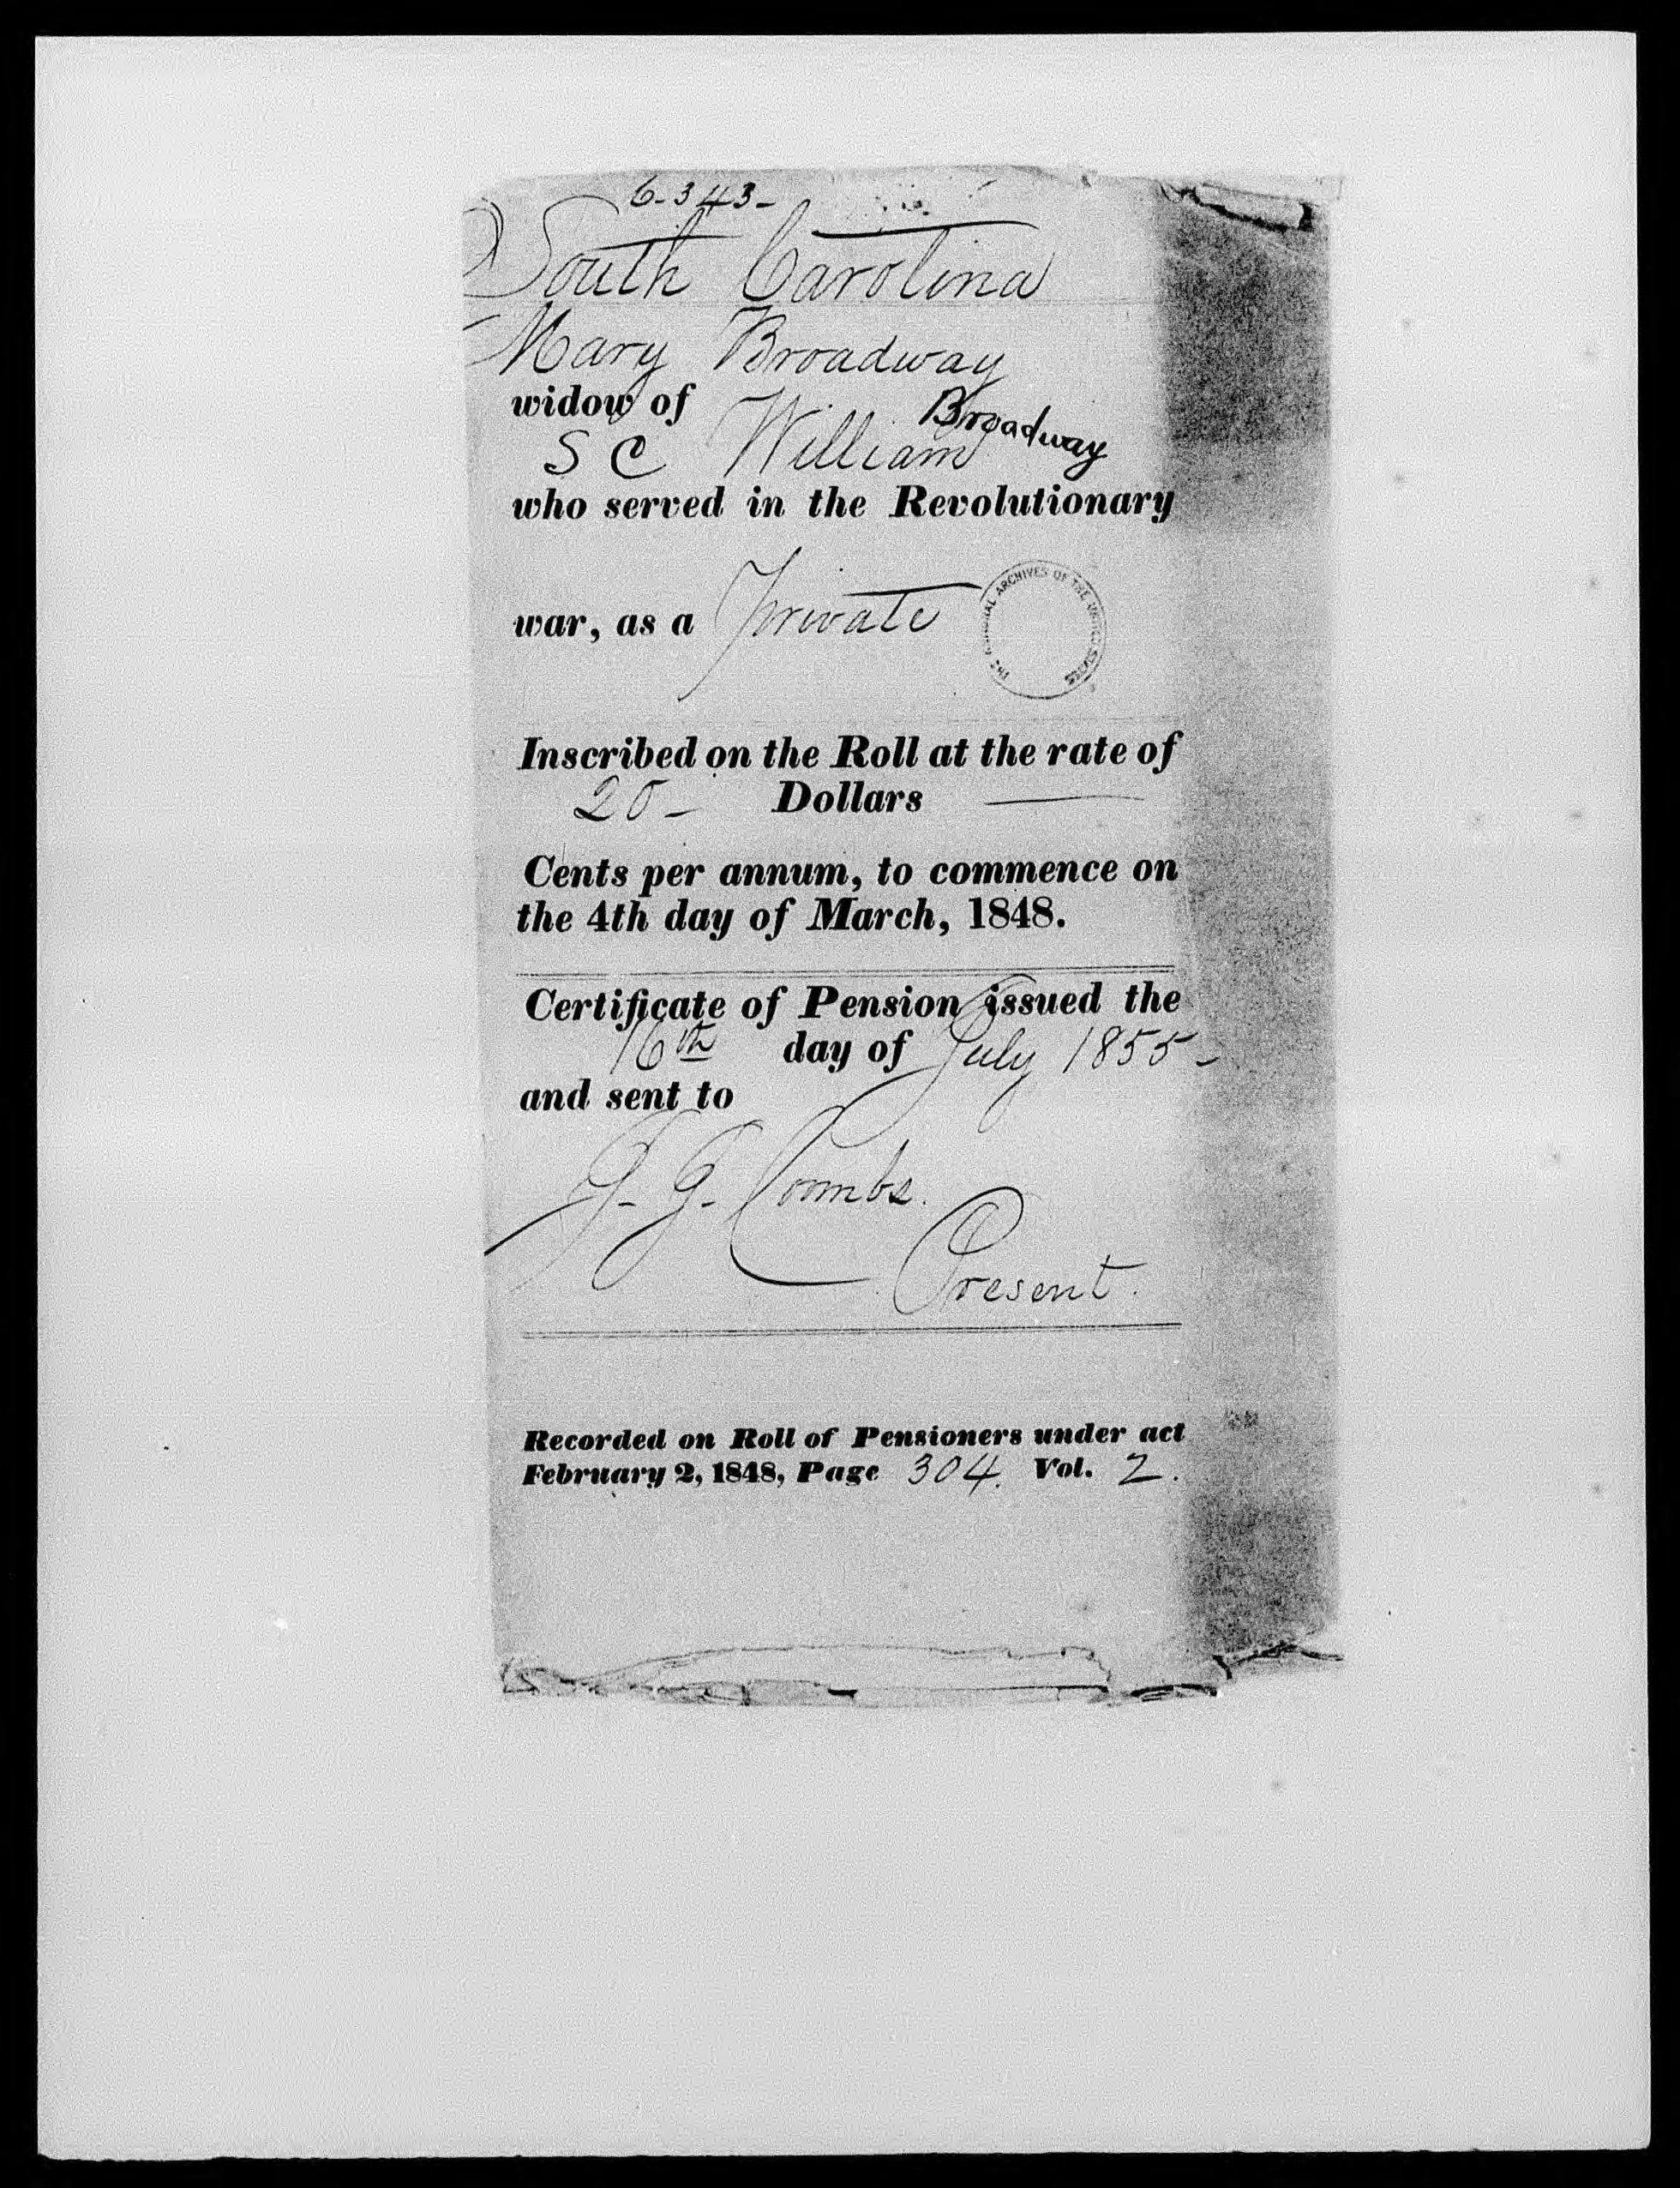6.343 -
South Carolina
===================
Mary Broadway
widow of
William Broadway
SC
who served in the Revolutionary war, as a private
======================
Inscribed on the Roll at the rate of
20 Dollars    -----------
Cents per annum, to commence on the 4th day of March, 1848.
======================
Certificate of Pension issued the
16th day of July 1855
and sent to
J. J. Coombs
Present
======================
Recorded on Roll of Pensioners under act
February 2, 1848, Page 304 Vol. 2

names: Mary Broadway, William Broadway, J J Coombs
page: 2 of 98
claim: widow's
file: W. 8398, William Broadway, S.C.